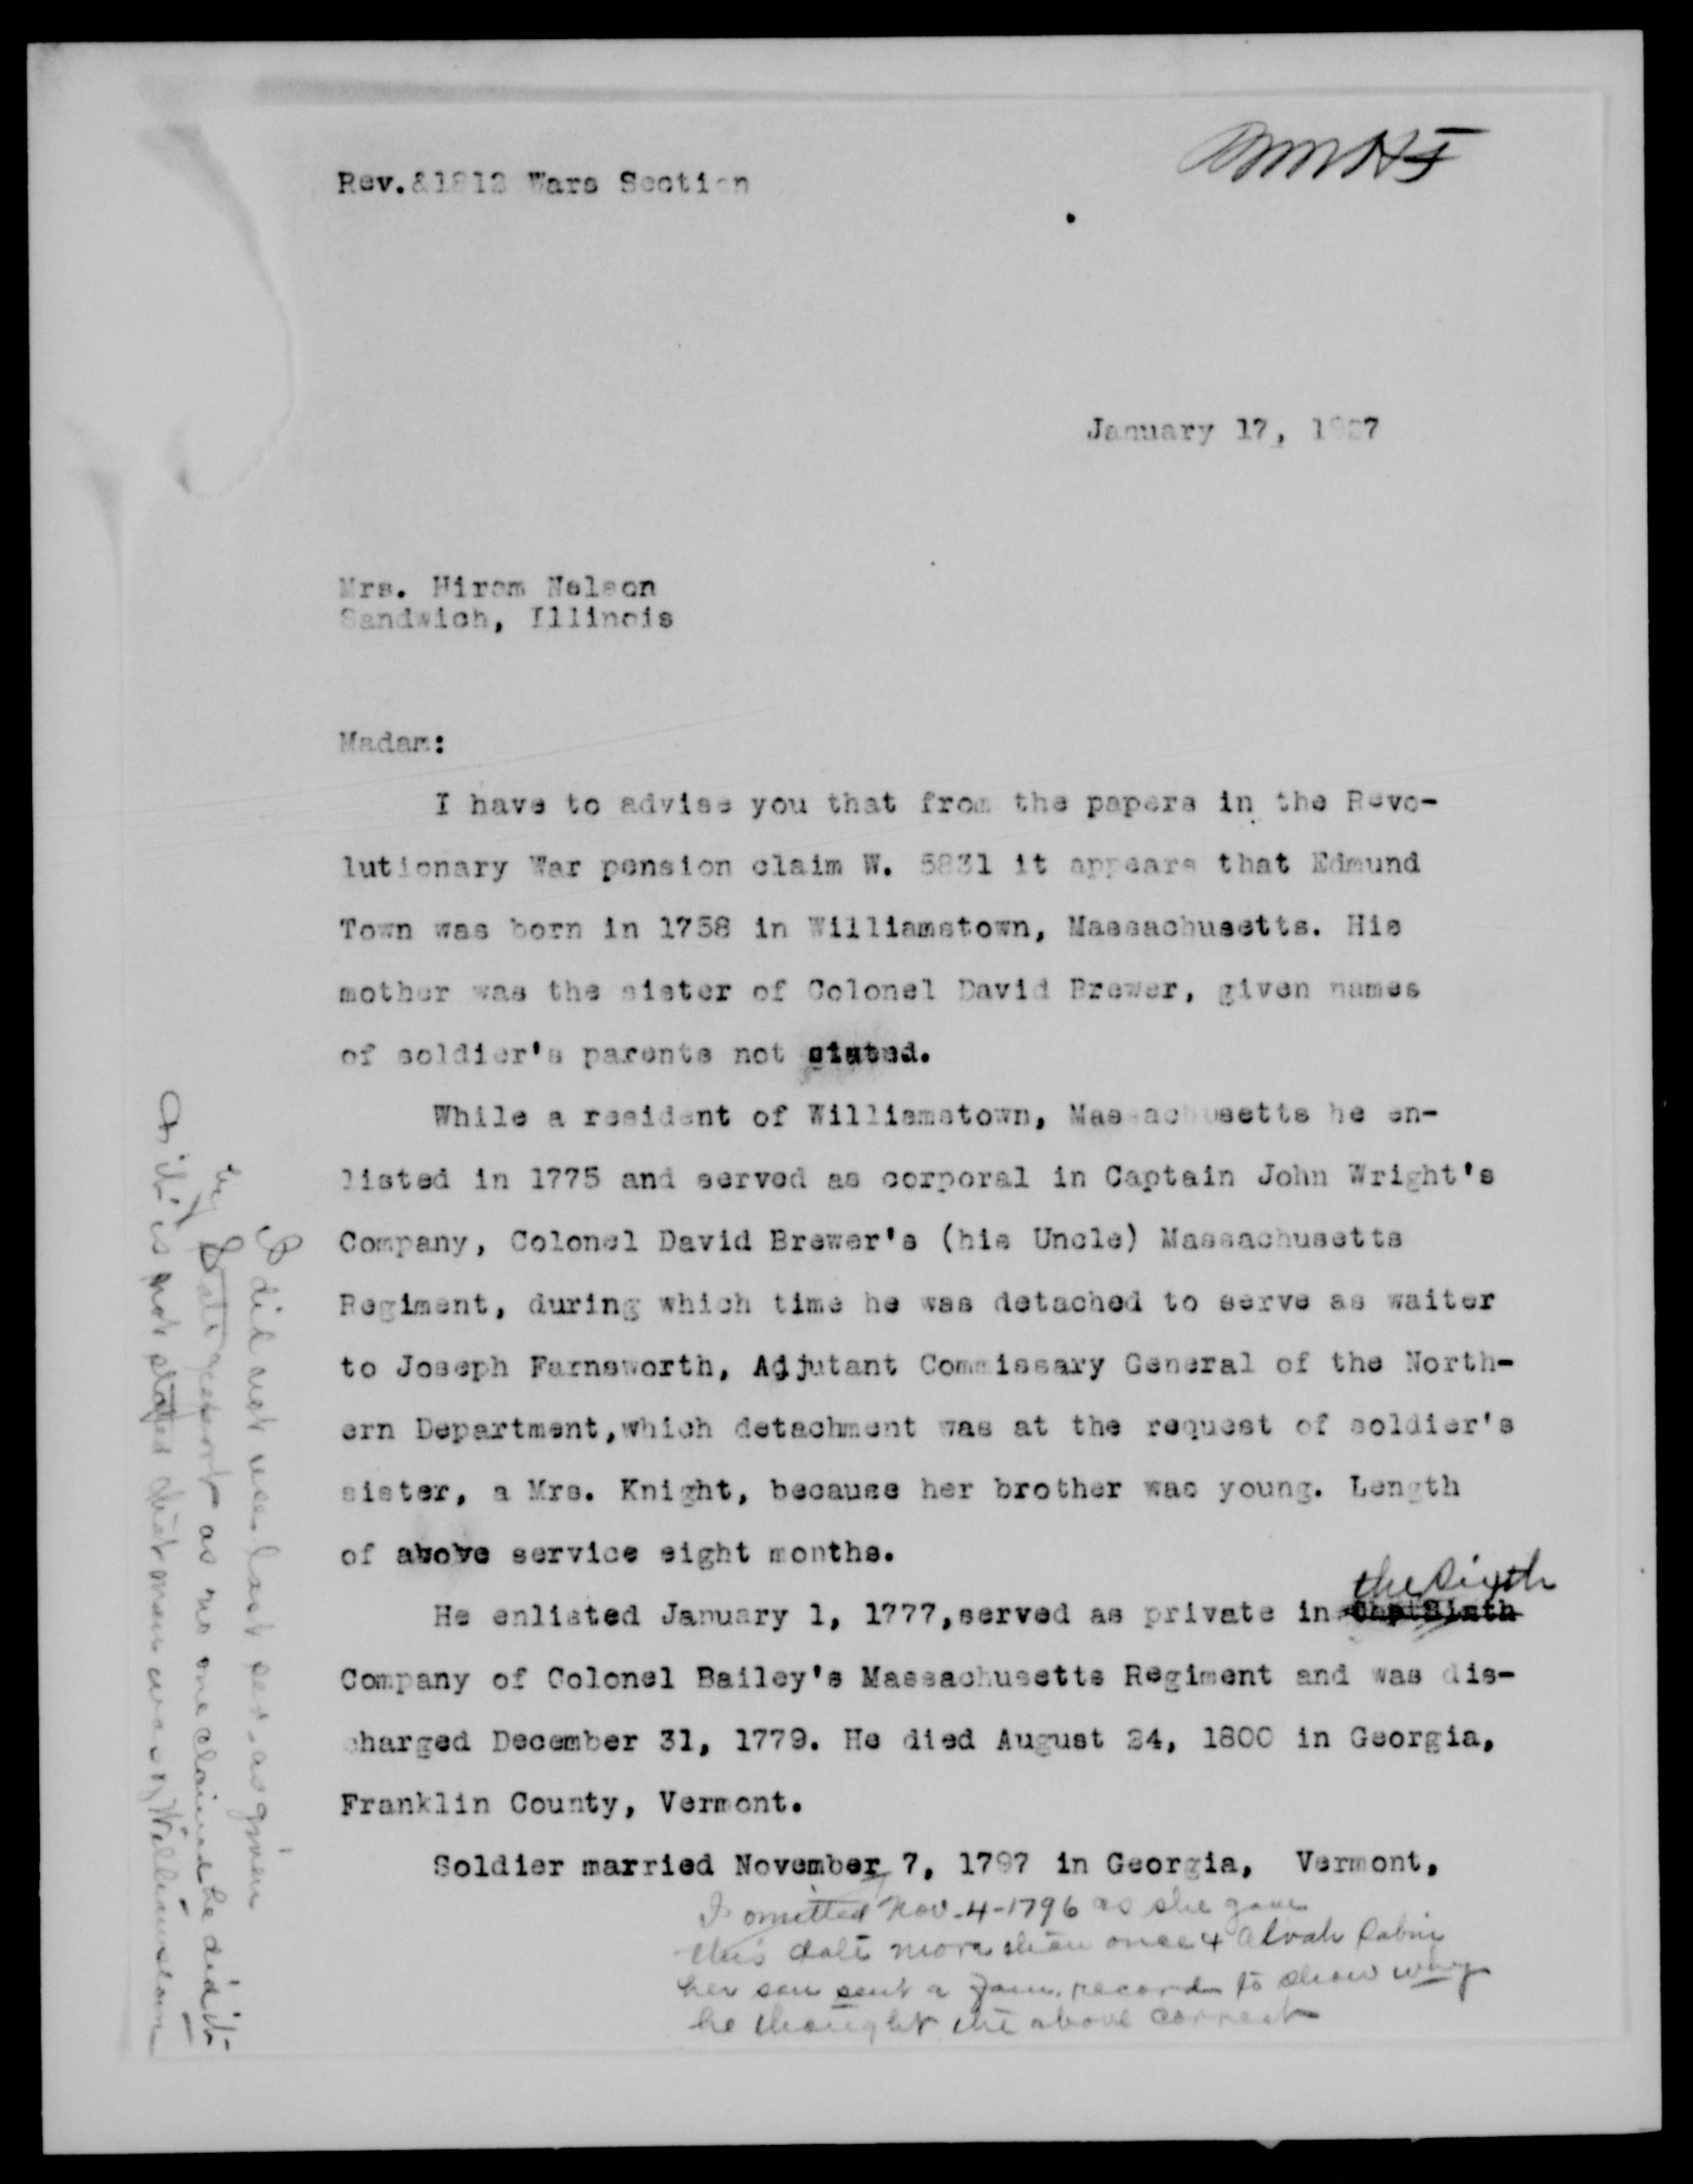Rev. & 1812 Wars Section   MMHF

January 17, 1927

Mrs. Hiram Nelson
Sandwich, Illinois

Madam: 
I have to advise you that from the papers in the Revolutionary War pension claim W. 5831 it appears that Edmund Town was born in 1758 in Williamstown, Massachusetts. his mother was the sister of Colonel David Brewer, give names of soldier's parents not stated.
While a resident of Williamstown, Massachusetts he enlisted in 1775 and served as corporal in Captain John Wright's Company, Colonel David Brewer's (his Uncle) Massachusetts Regiment, during which time he was detached to serve as waiter to Joseph Farnsworth, Adjutant Commissary General of the Northern Department, which detachment, was at the request of soldier's sister, a Mrs. Knight, because her brother was young. Length of above service was eight months.
He enlisted January 1, 1777, served a private in the sixth Company of Colonel Bailey's Massachusetts Regiment and was discharged December 31, 1779. He died August 24, 1800 in Georgia, Franklin County, Vermont.
soldier married November 7, 1797 in Georgia, Vermont,

(hand written notation: "I omitted Nov. 4, 1796 as she gave this date more than once & Alvah Sabin her son sent a fam. record to show why he thought the above correct")

(hand written notation: "I did not use last sev. as given by State report as no one claimed he did it & it is not stated that (illegible) was of Williamstown")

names: Hiram Nelson, Edmund Town, David Brewer, Alvah Sabin, Joseph Farnsworth, Knight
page: 17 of 64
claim: widow's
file: W. 5831, Edmund Town, Mass.